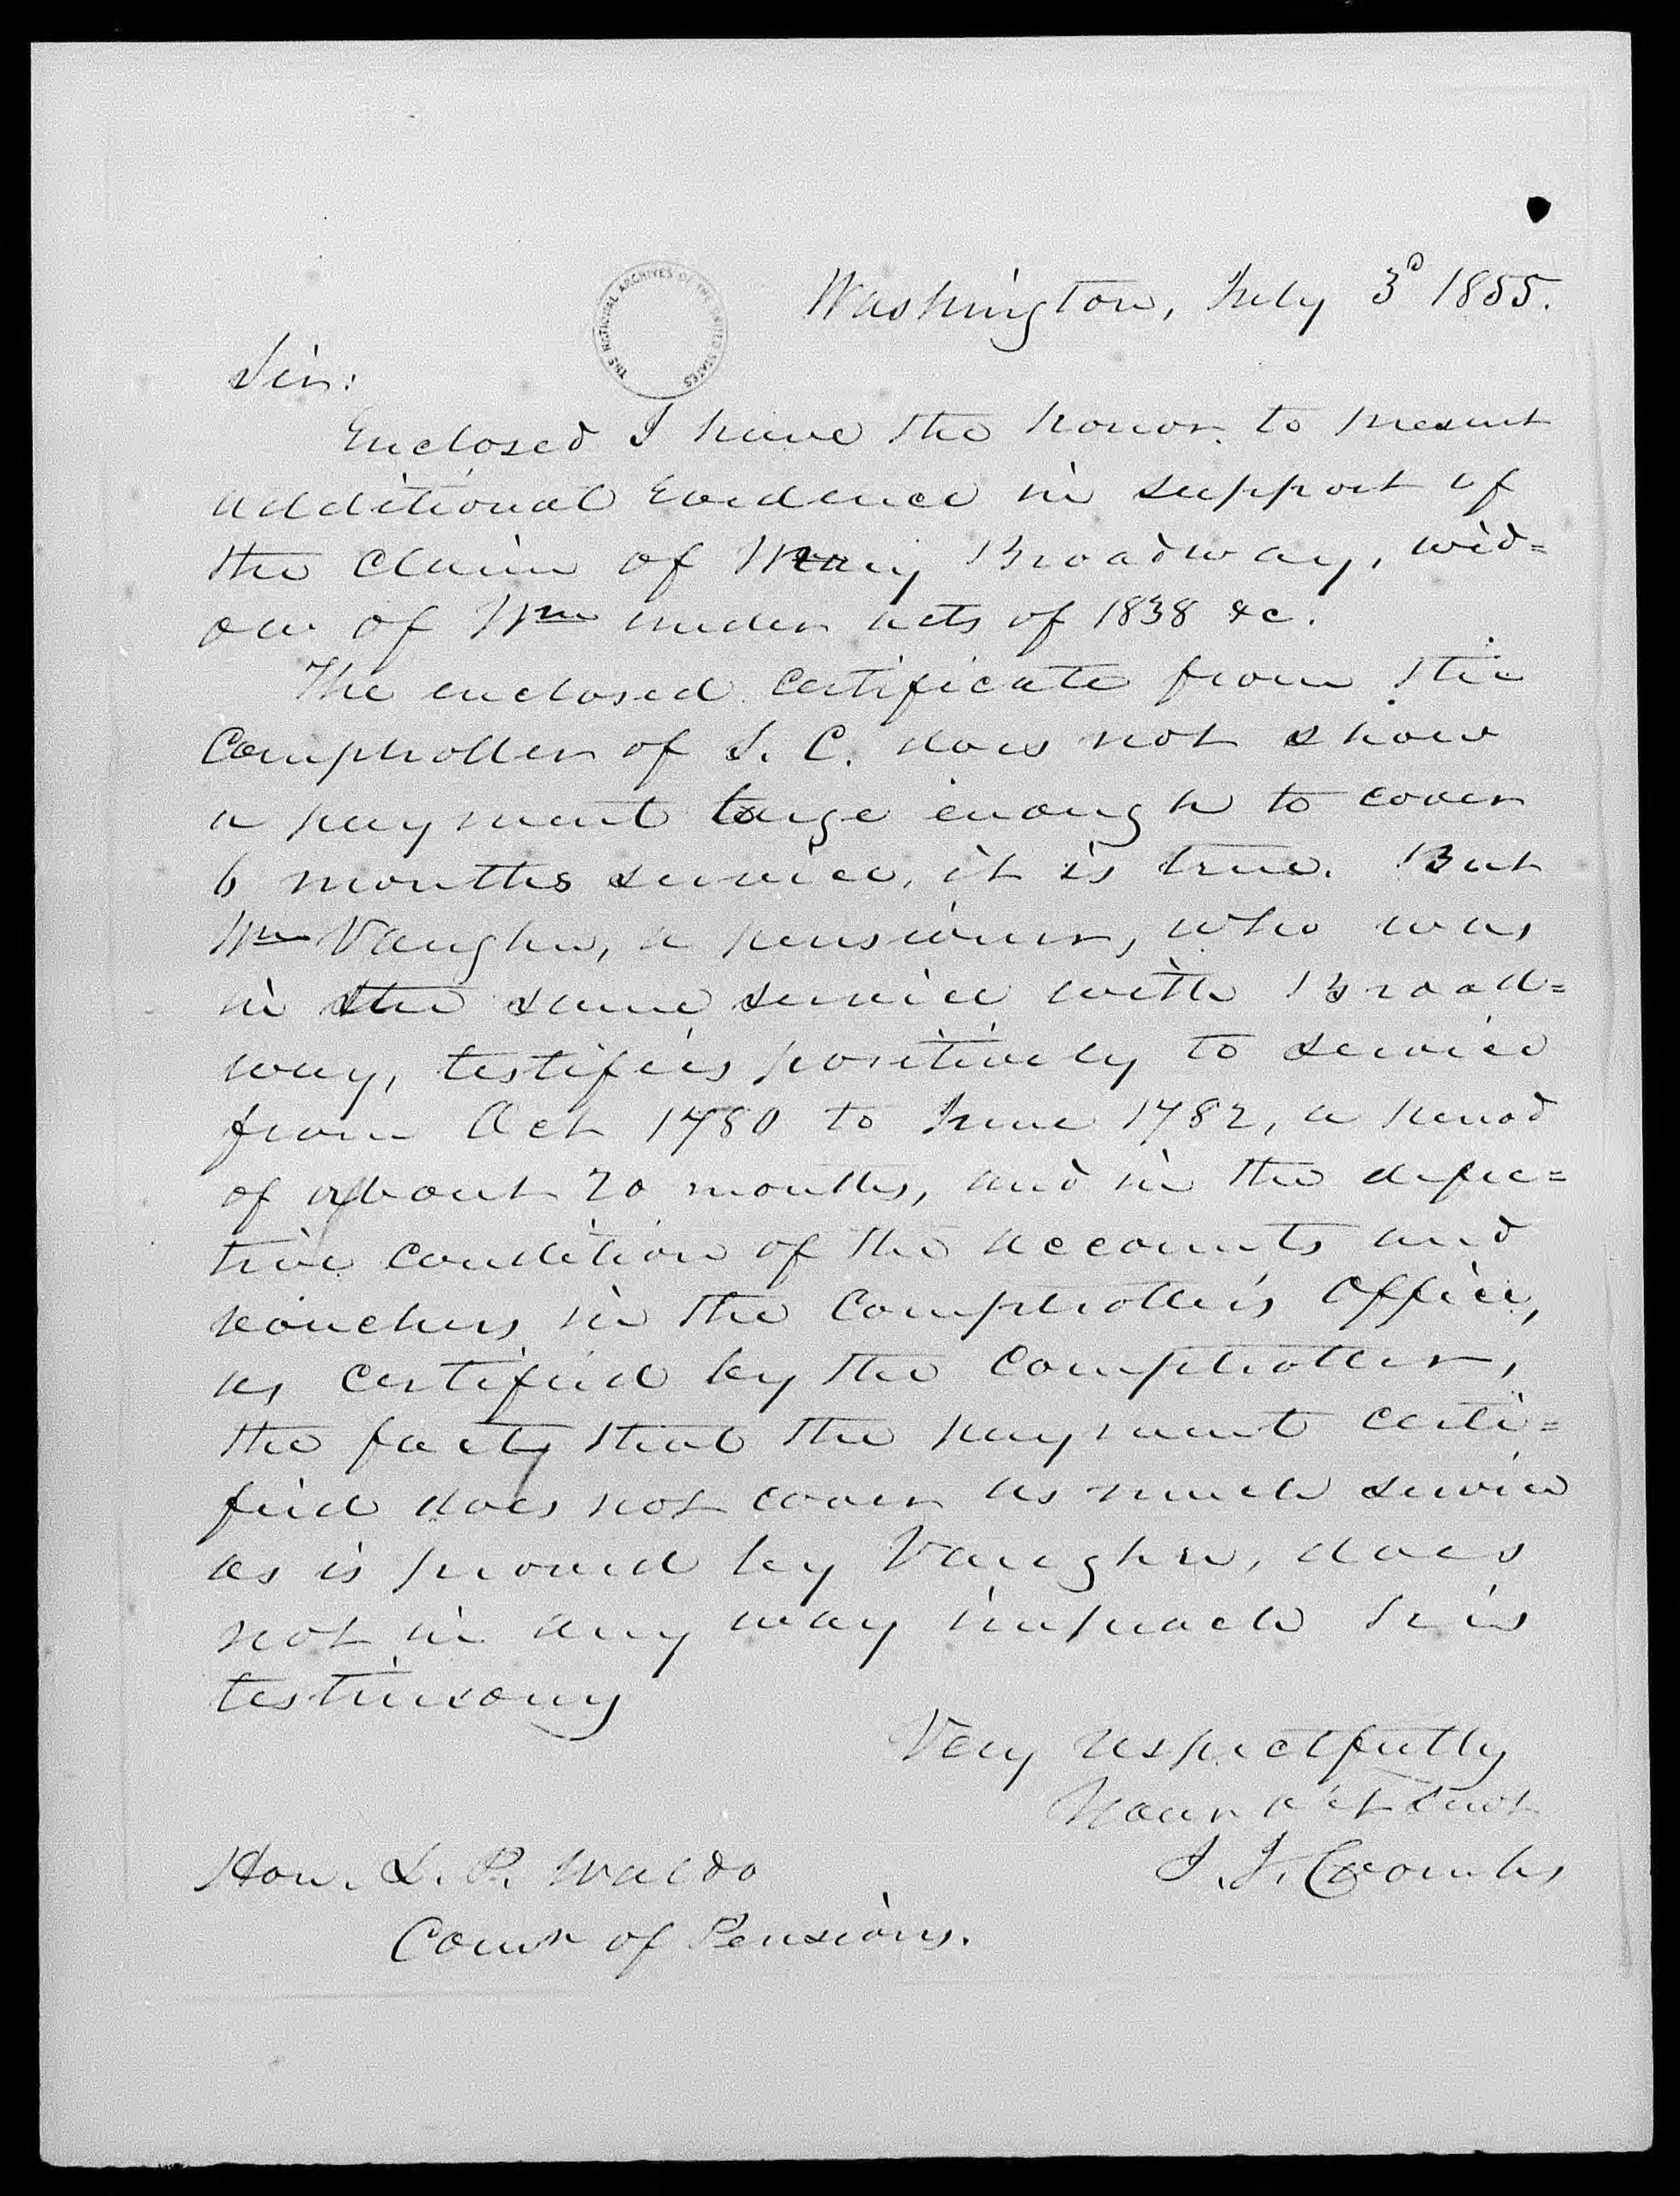[Round stamp mark}
THE NATIONAL ARCHIVES OF THE UNITED STATES

Washington, July 3d 1855.
Sir:
Enclosed I have the honor to present additional evidence in support of the claim of Mary Broadway, widow of Wm under acts of 1838 +c.
The enclosed certificate from the Comptroller of S.C. does not show a payment large enough to cover 6 months service, it is true. But Wm Vaughan, a pensioner, who was in the same service with Broadway, testifies, positively to service from Oct 1780 to June 1782, a period of about 20 months, and in the defective condition of the accounts and vouches in the Comptroller's Office as certified by the Comptroller, the facts that the payment certified does not cover as much service as is proved by Vaughn, does not in any way impeach his testimony
Very respectfully
Your obt sevt
J J Coombs

Hon. L P Waldo
Comm of Pensions.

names: L P Waldo, J J Coombs, Wm Vaughn, Vaughn, Broadway, Wm, Mary Broadway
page: 87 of 98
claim: widow's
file: W. 8398, William Broadway, S.C.